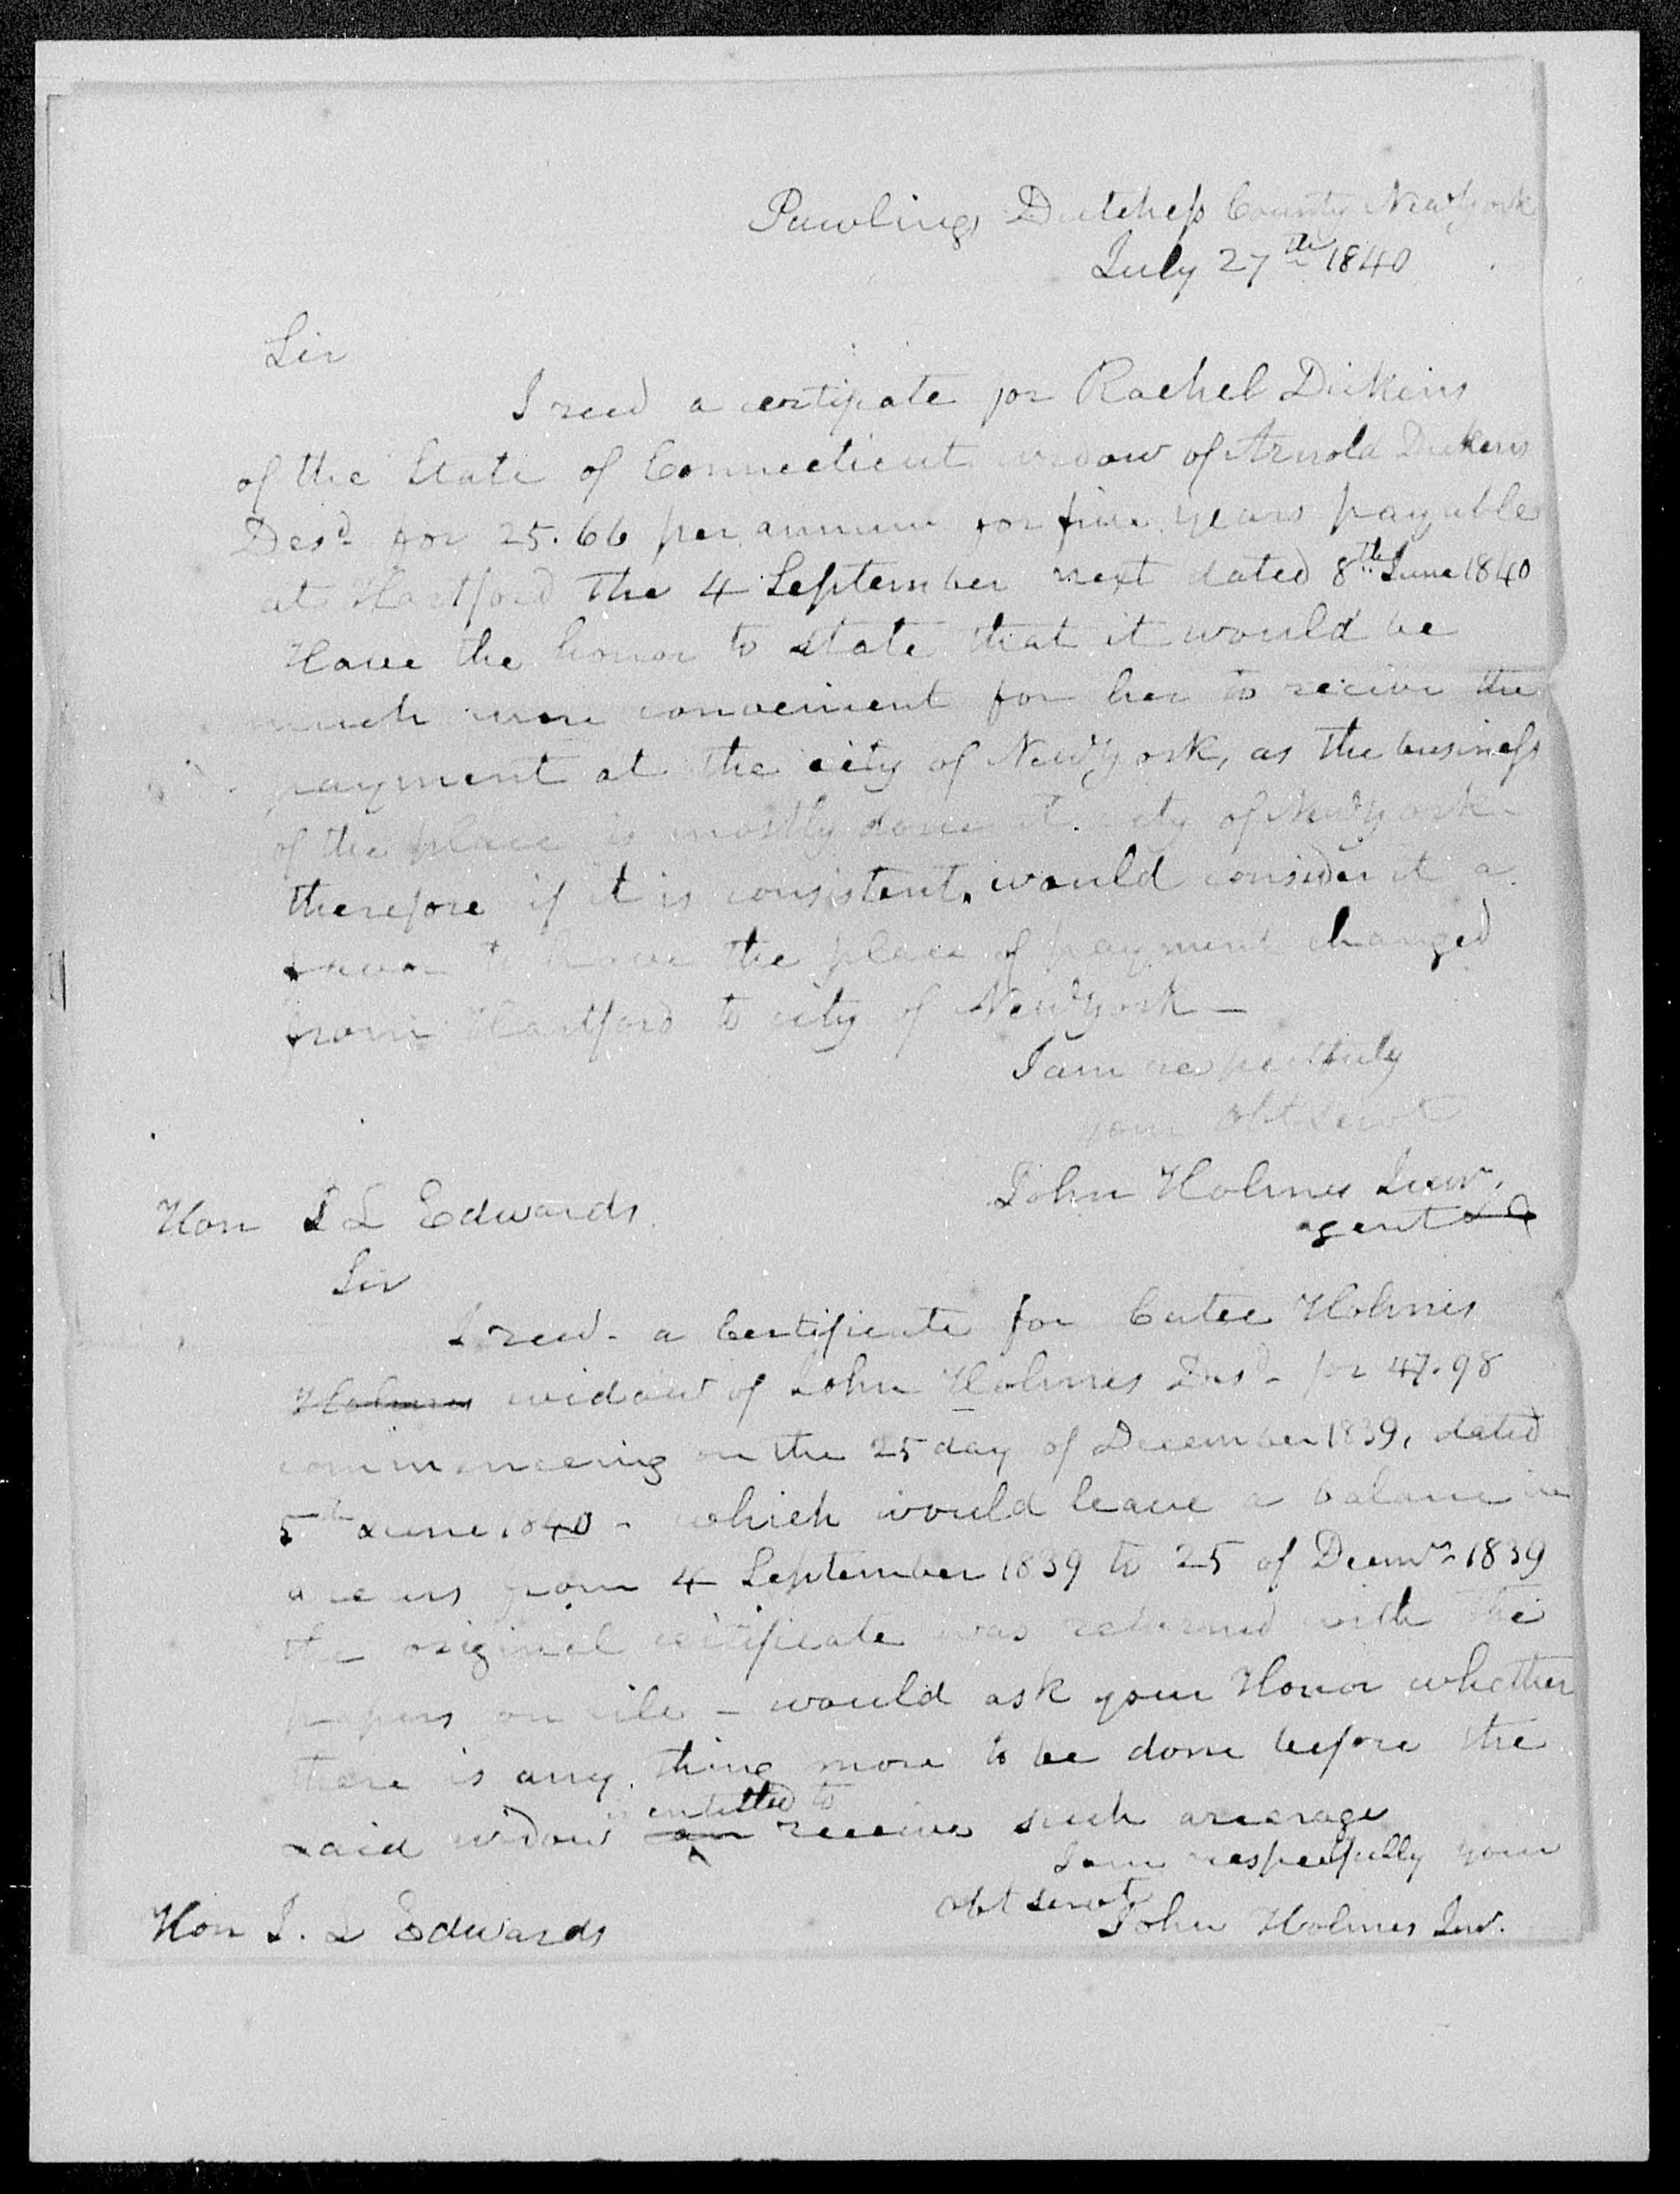Pawlings Dutchess County New York
July 27th 1840

Sir
I recd a certificate for Rachel Dickins of the State of Connecticut widow of Arnold Dickens Desd for 25.66 per annum for five years payable at Hartford the 4 September next dated 8th June 1840

Have the honor to state that it would be much more convenient for her to receive the payment at the city of New York, as the business of the place is mostly done at city of New York - therefore if it is consistent, would consider it a favor to have the place of payment changed from Hartford to city of New York-
I am respectfully your obt Servt
John Holmes Junr
agent
Hon. J L Edwards

Sir
I recd a Certificate for Cutee Holmes widow of John Holmes Desd for 47.98 commenceing on the 25 day of December 1839, dated 5th June 1840 which would leave a balance in [illegible] us from 4 September 1839 to 25 Decemr. 1839 the original certificate was returned with the papers on file - would ask your Honor whether there is any thing more to be done before the said widow ^is entitled to receive such arearage
I am respectfully your obt Servt
John Holmes Jun.
Hon J. L Edwards

Copyists note:  Copied as per original document including errors.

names: J L Edwards, John Holmes, J L Edwards, John Holmes, Rachel Dickins, Arnold Dickens, Cutee Holmes, John Holmes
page: 8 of 29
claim: widow's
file: W. 17720, Arnold Dickens, New York